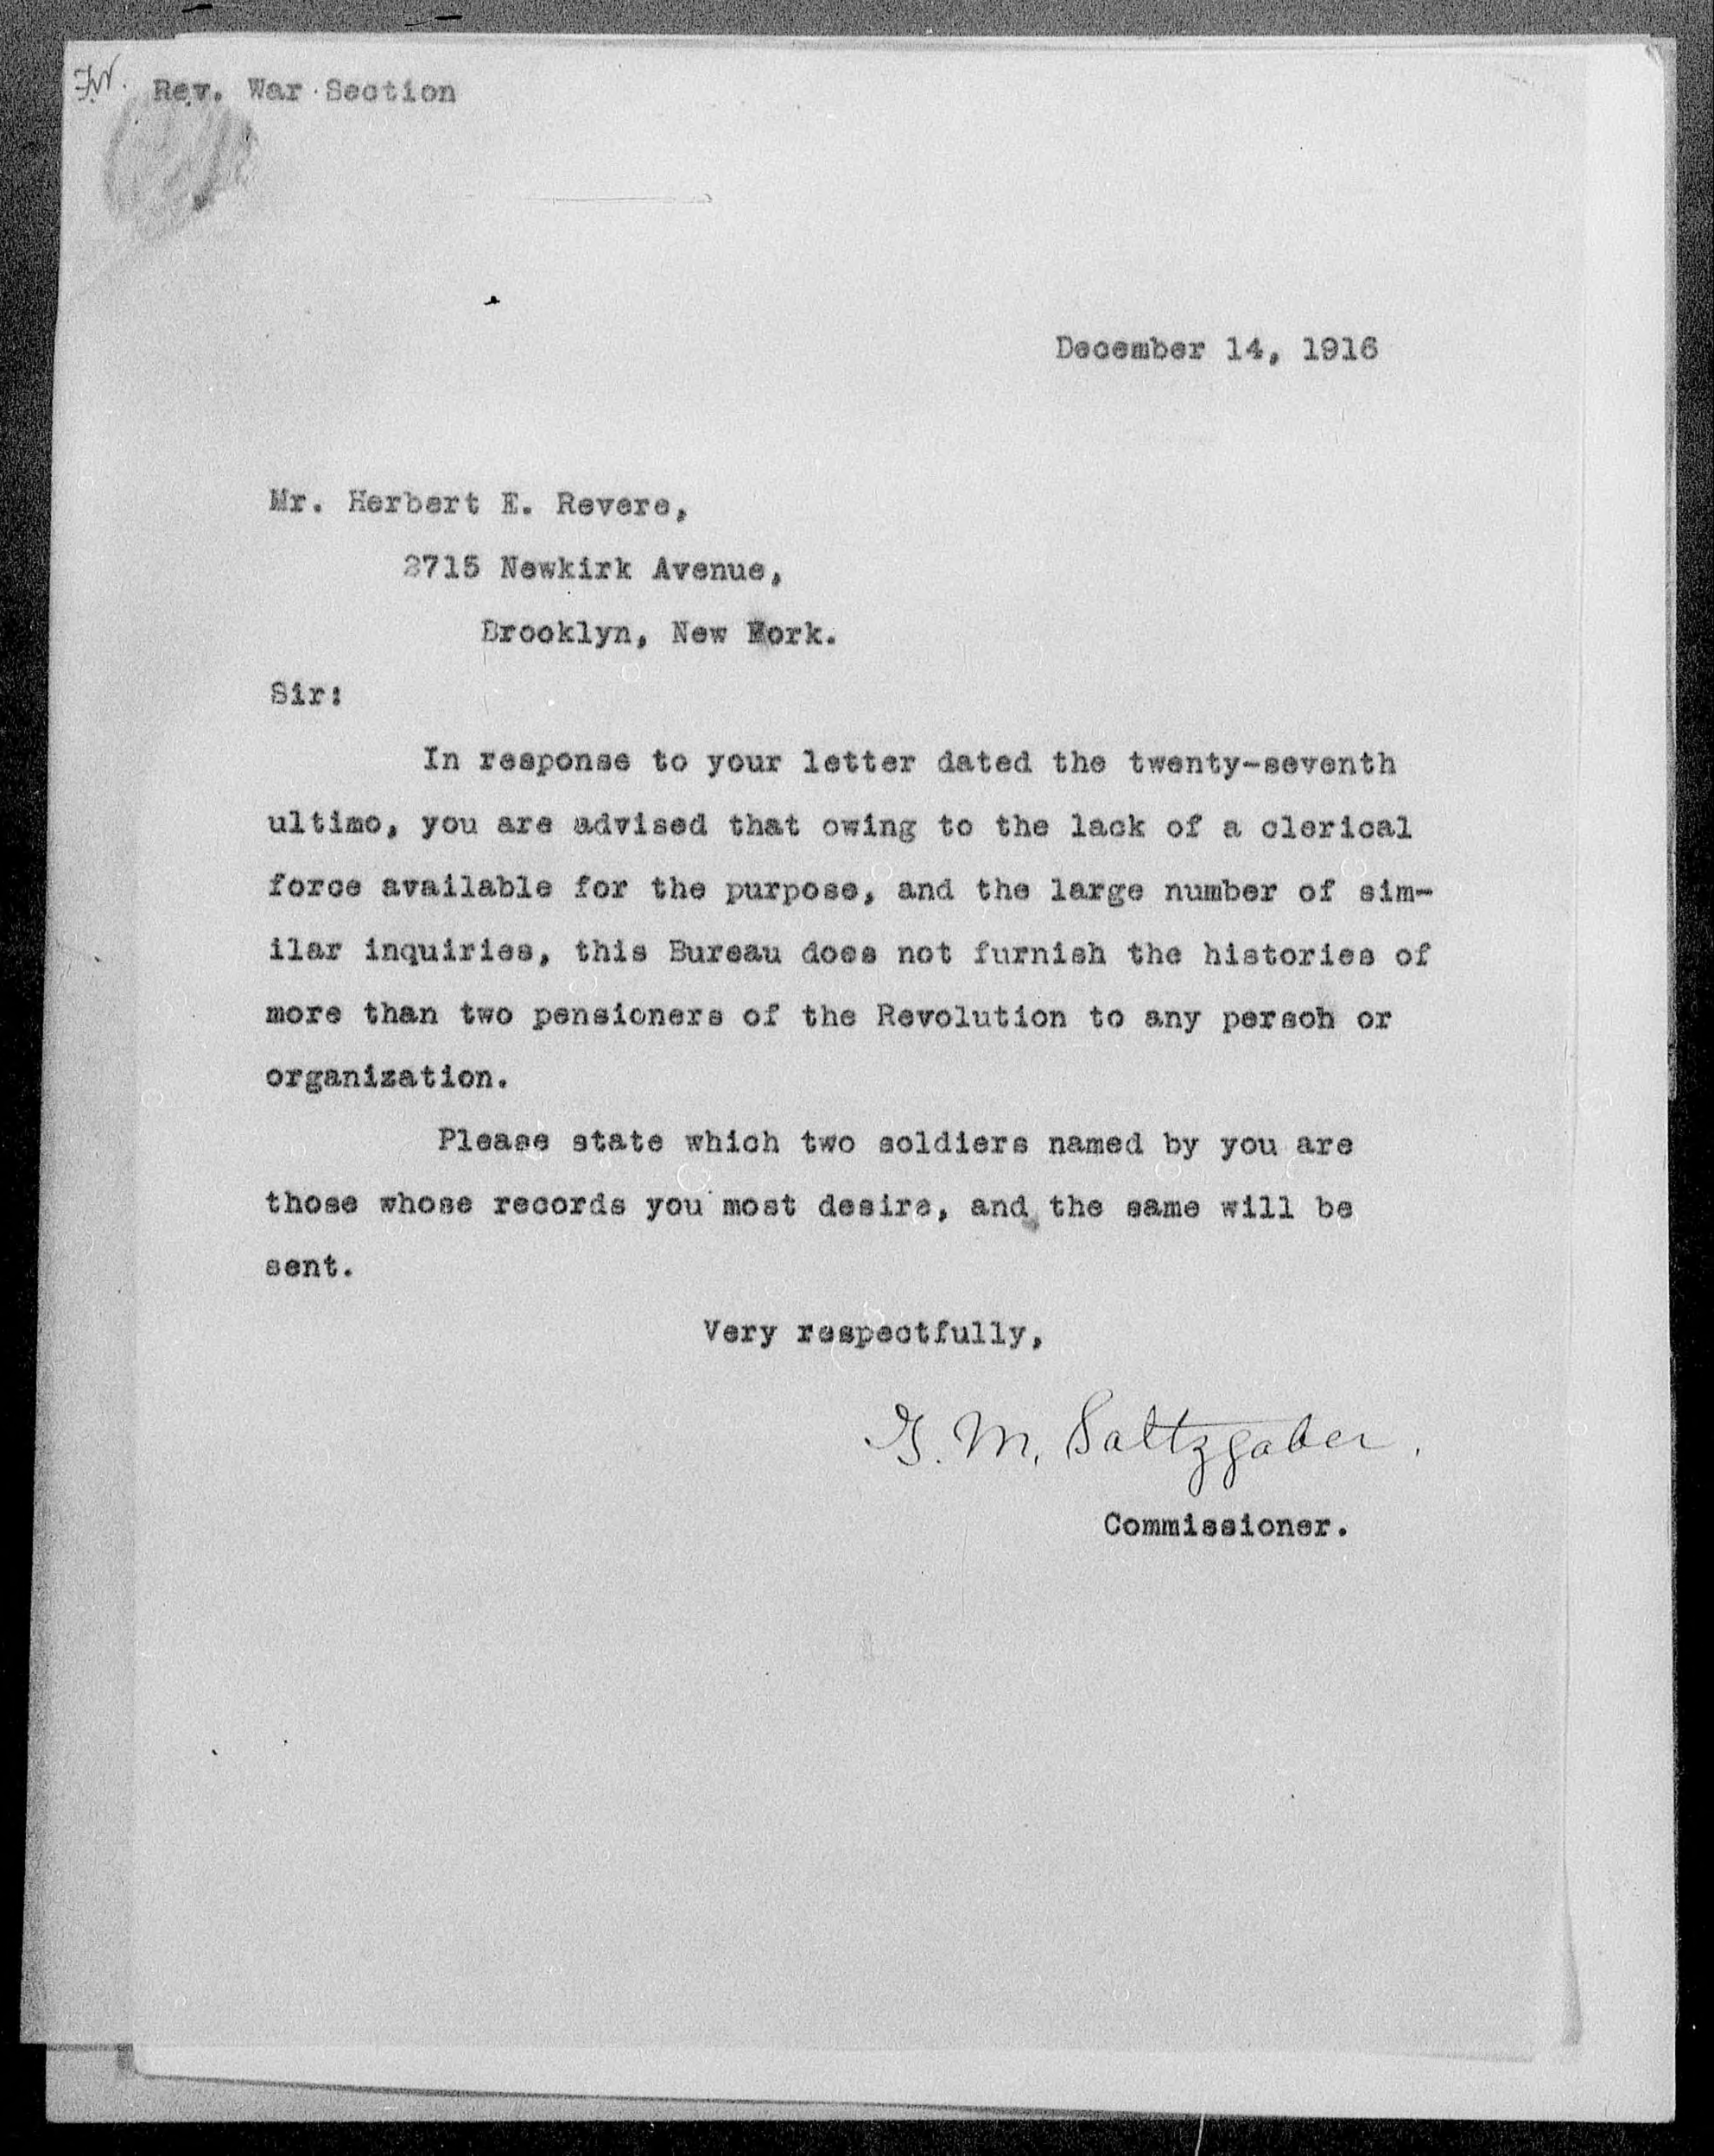F.W.
Rev. War Section
December 14, 1916
Mr. Herbert E. Revere,
2715 Newkirk Avenue,
Brooklyn, New York.
Sir:
In response to your letter dated the twenty-seventh ultimo, you are advised that owing to the lack of a clerical force available for the purpose, and the large number of similar
inquiries, this Bureau does not furnish the histories of more than two pensioners of the Revolution to any person or organization.
Please state which two soldiers named by you are those whose records you most desire, and the same will be sent.
Very respectfully,
G. M. Saltzgaber
Commissioner.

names: G M Saltzgaber, Herbert E Revere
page: 19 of 20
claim: survivor's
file: S. 16,337, William M Castleberry, Ga.